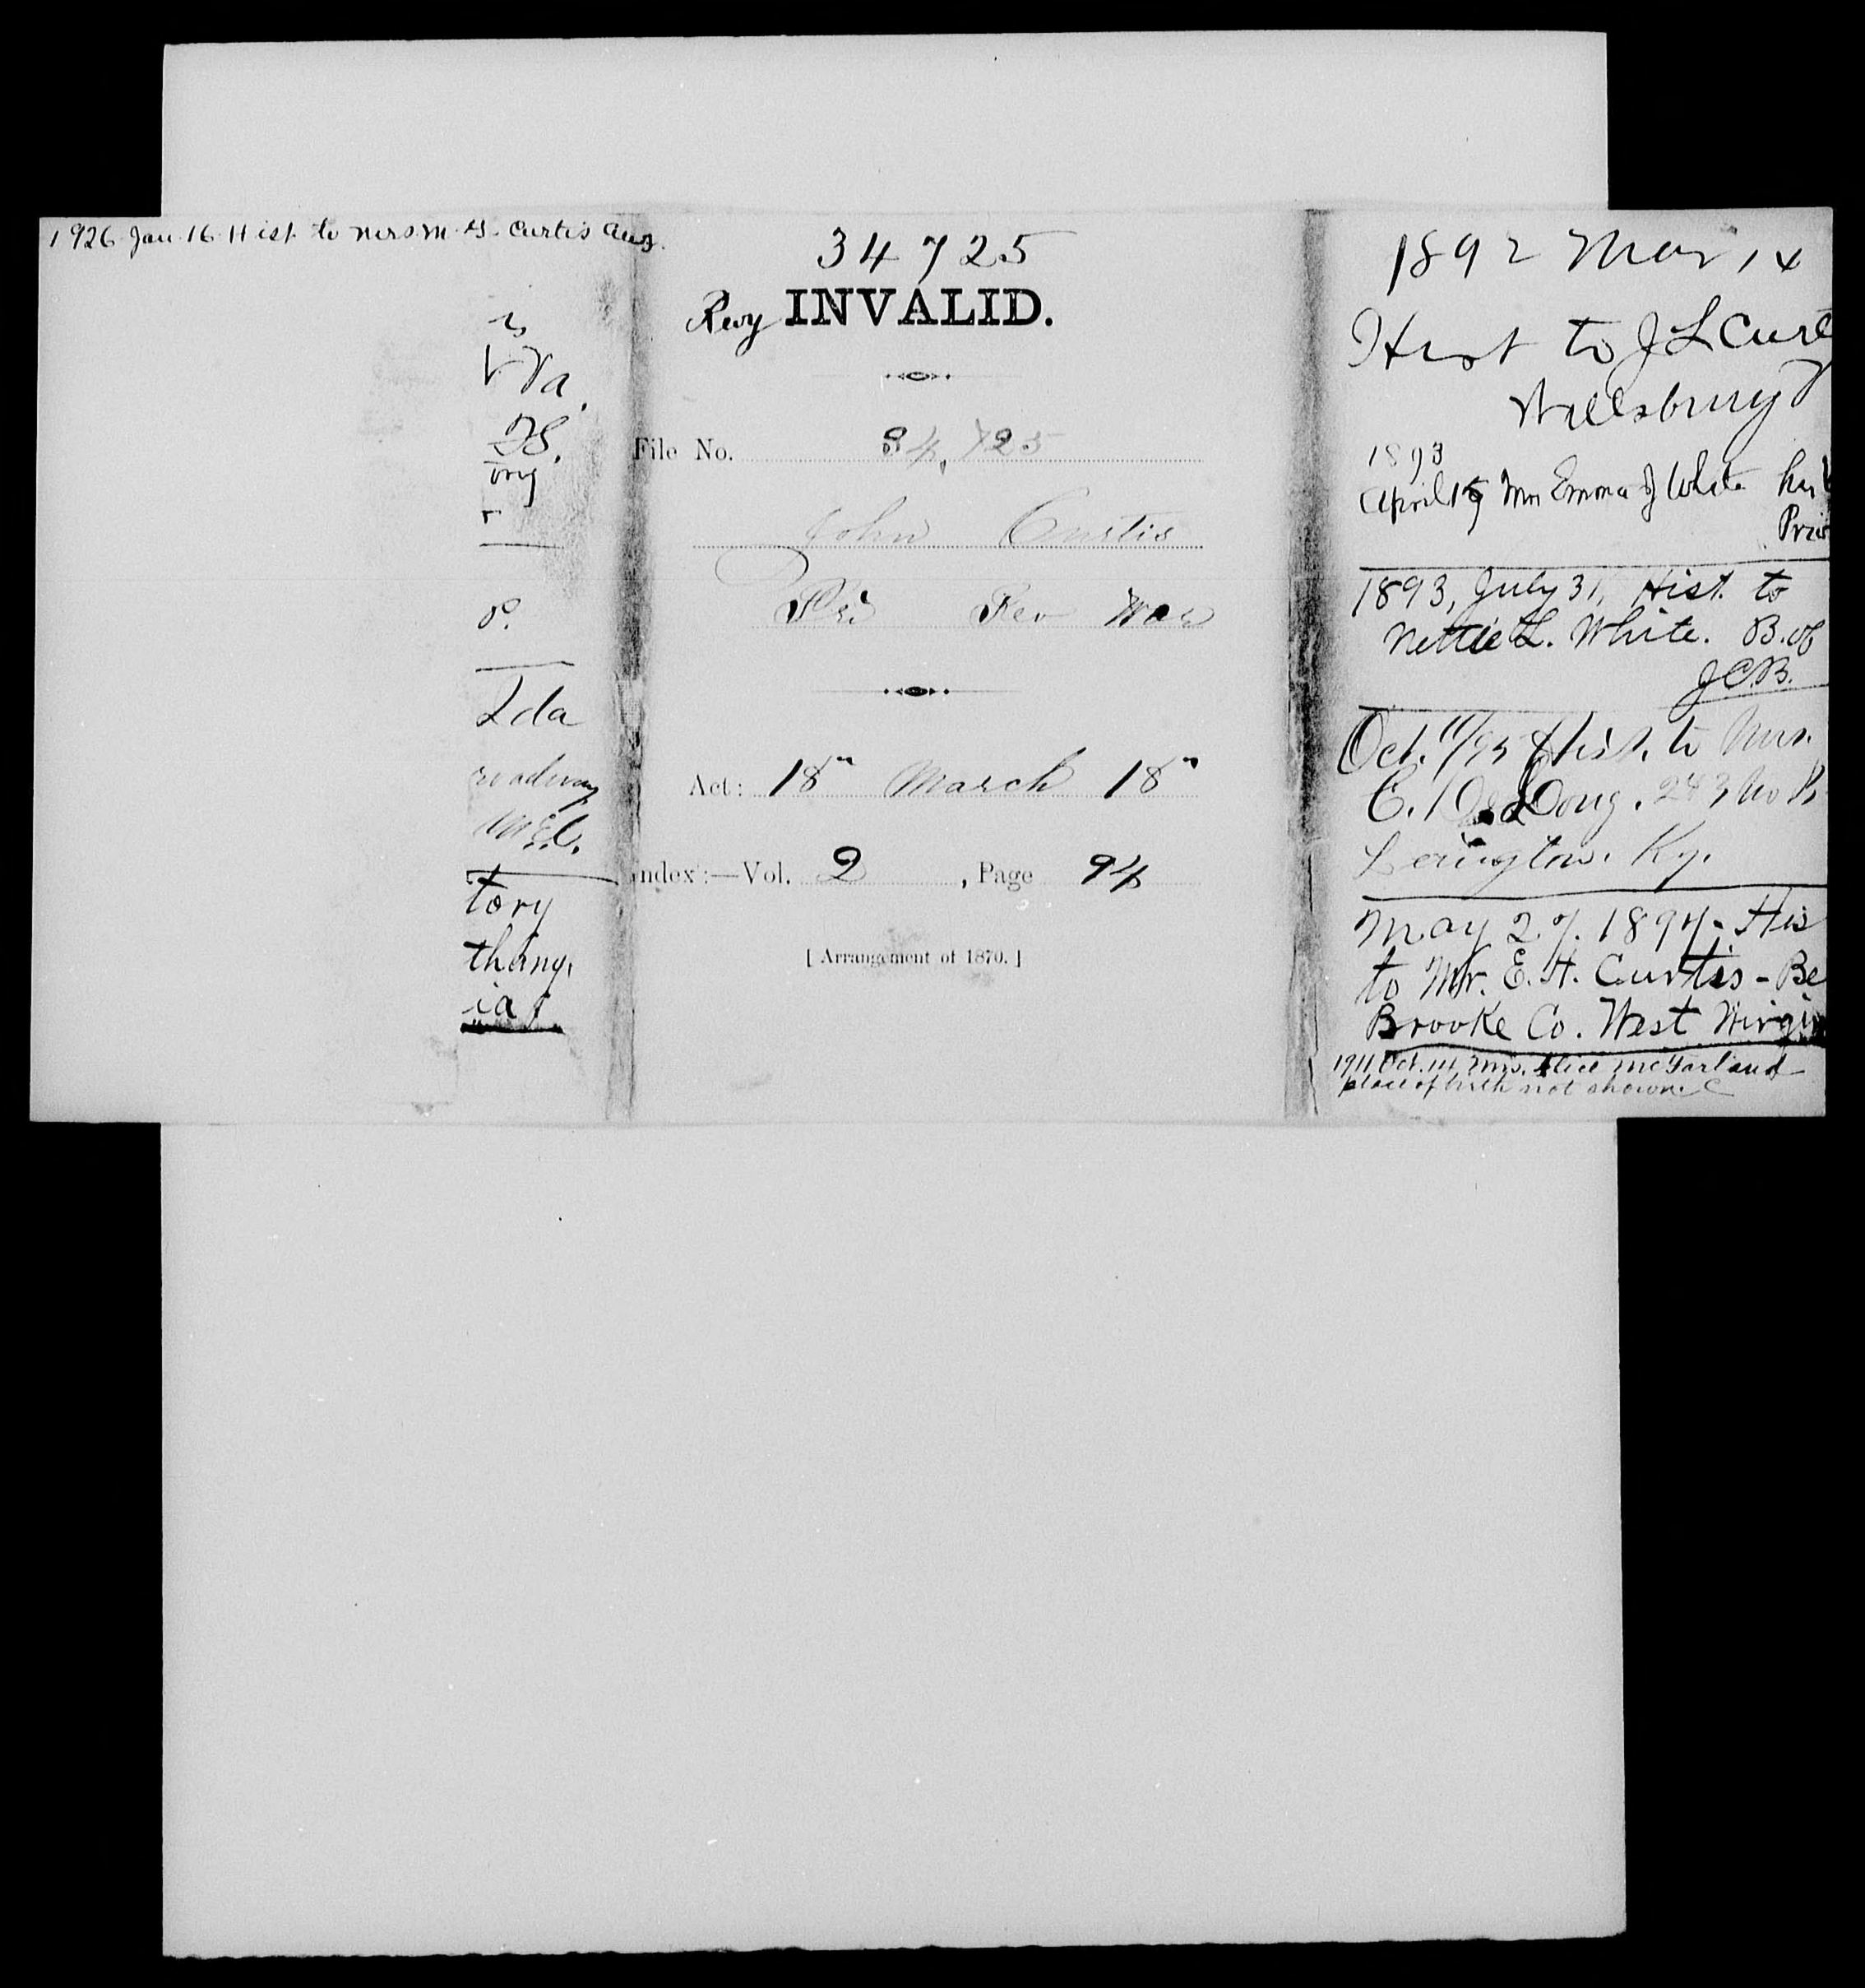[trifold page]
[left page]
1926 Jan. 16. Hist to Mrs. M. G. Curtis  ag.
Va.
JS
rry
P. 
Ida
[illegible]
M.E.L.
tory
thany
ia

[middle page]
34725
Revy INVALID.
File No. 34,125
John Curtis
Pri  Rev War
Act: 18n March 18n
Index: -- Vol. 2, Page 94
Arrangement of 1870.)

[right page]
1893 Mar 14
Hist to J L Curt
Willsbury
1893
April 1[?] Mrs Emma J White 
Her 
priv
-----
 1893, July 31, Hist. to
 Nettie L. White.  B.of  J.C.B.
-----
Oct. 11/95 Hist. to Mrs. 
C. D. Long.  243 No B   Lexington, Ky
-----
May 27, 1897 - His  to Mr. E. H. Curtis - Be
Mr. E. H. Curtis. Be
Brooke Co. West Virgi
-----
1911 Oct. 14 to Mrs. Alice McFarland
place of with not shown.  C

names: Ida, Nettie L White, Emma J White, E H Curtis, C D Dong, Alice Mc Farland, John Curtis, M G Curtis, J L Curtis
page: 8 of 26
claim: survivor's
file: S. 34,725, John Curtis, Md.